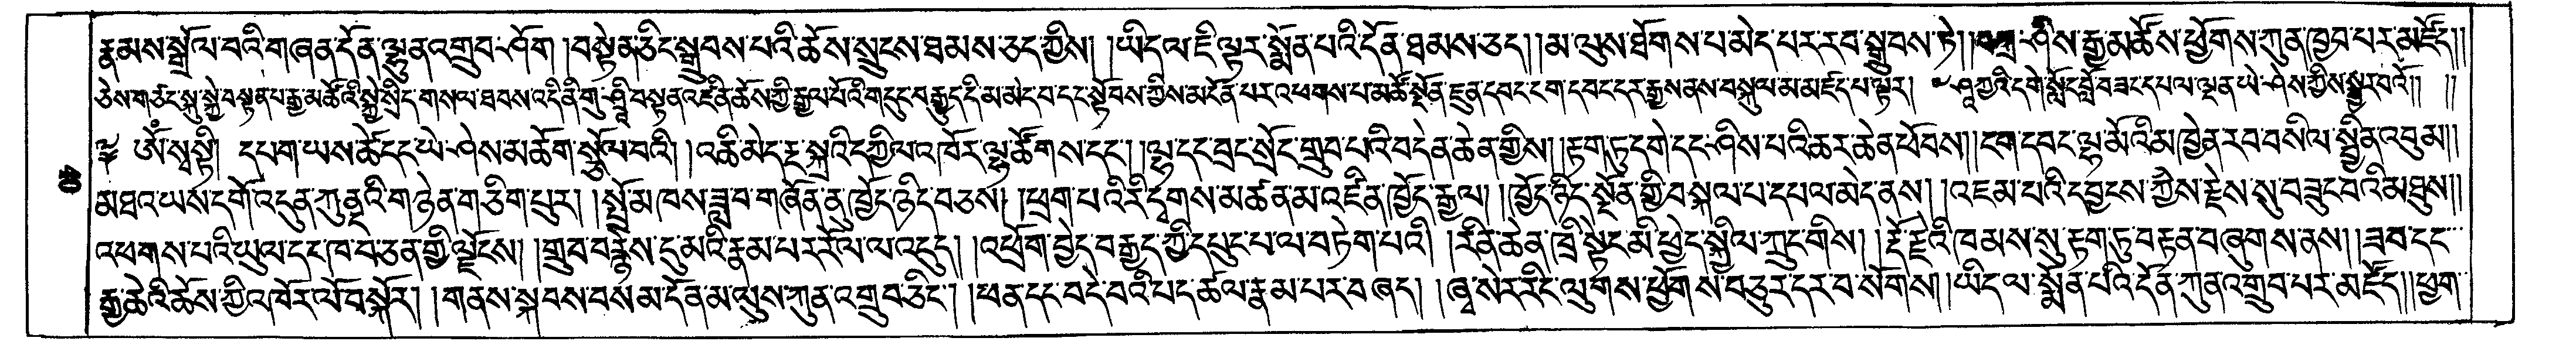རྣམས་སྒྲོལ་བའི་གཞན་དོན་ལྷུན་འགྲུབ་ཤོག །བསྟེན་ཅིང་སྒྲུབས་པའི་ཆོས་སྲུངས་ཐམས་ཅད་ཀྱིས། །ཡིད་ལ་ཇི་ལྟར་སྨོན་པའི་དོན་ཐམས་ཅད། །མ་ལུས་ཐོགས་པ་མེད་པར་རབ་སྒྲུབས་ཏེ། །བཀྲ་ཤིས་རྒྱ་མཚོས་ཕྱོགས་ཀུན་ཁྱབ་པར་མཛེད།།
ཅེས་གཙང་སྐུ་སྐྱེ་བསྟན་བརྒྱ་མཚོའི་སྐྱེ་སྲིད་གསལ་ཐབས་འདི་ནི་གུ་ཤྲཱི་བསྟན་འཛིན་ཆོས་ཀྱི་རྒྱལ་པོའི་གདུང་བརྒྱུད་དྲི་མ་མེད་པ་དང་སྟོབས་ཀྱིས་མངོན་པར་འཕགས་པ་མཚོ་སྔོན་ཇུན་དབང་ངག་དབང་དར་རྒྱས་ནས་བསྐུལ་མ་མཛད་པ་ལྟར། ༧ཤཱཀྱའི་དགེ་སློང་བློ་བཟང་དཔལ་ལྡན་ཡེ་ཤེས་ཀྱིས་སྦྱར་བའོ།། །།
༈ ཨོཾ་སྭ་སྟི། དཔག་ཡས་ཚེ་དང་ཡེ་ཤེས་མཆོག་སྩོལ་བའི། །འཆི་མེད་རྔ་སྒུའི་དཀྱིལ་འཁོར་ལྷ་ཚོགས་དང་། །ལྷ་དང་དྲང་སྲོང་གྲུབ་པའི་བདེན་ཆེན་གྱིས། །རྟག་ཏུ་དགེ་དང་ཤིས་པའི་ཆར་ཆེན་ཕོབས། །ངག་དབང་ལྷ་མོའི་མཁྱེན་རབ་བསིལ་སྦྱིན་འབུམ།།
མཐའ་ཡས་དགེ་འདུན་ཀུན་དའི་གཉེན་གཅིག་པུར། །སྦྲོ་མཁས་ཟླ་བ་གཞོན་ནུ་ཁྱོད་ཉིད་བཅས། །ཕྲག་པའི་རི་དྭགས་མཚན་མ་འཛིན་ཁྱོད་རྒྱལ། །ཁྱོད་ཉིད་སྔོན་གྱི་བསྐལ་པ་དཔག་མེད་ནས། །འཇམ་པའི་དབྱངས་ཀྱིས་རྗེས་སུ་བཟུང་བའི་མཐུས།།
འཕགས་པའི་ཡུལ་དང་ཁ་བ་ཅན་གྱི་ལྗོངས། །གྲུབ་བརྙེས་དུ་མའི་རྣམ་པར་རོལ་ལ་འདུད། །འཕྲོག་བྱེད་བརྒྱད་ཀྱི་དཔུང་པ་ལ་བཏེག་པའི། །རིན་ཆེན་ཁྲི་སྟེང་མི་ཕྱེད་སྐྱིལ་ཀྲུང་གིས། །རྡོ་རྗེའི་ཁམས་སུ་རྟག་ཏུ་བརྟན་བཞུགས་ནས། །ཟབ་དང་
རྒྱ་ཆེའི་ཆོས་ཀྱི་འཁོར་ལོ་བསྐོར། །གནས་སྐབས་བསམ་དོན་མ་ལུས་ཀུན་འགྲུབ་ཅིང་། །ཕན་དང་བདེ་བའི་པད་ཚལ་རྣམ་པར་བཞད། །ཞྭ་སེར་རིང་ལུགས་ཕྱོགས་བཅུར་དར་བ་སོགས། །ཡིད་ལ་སྨོན་པའི་དོན་ཀུན་འགྲུབ་པར་མཛོད། །ཕྱག་